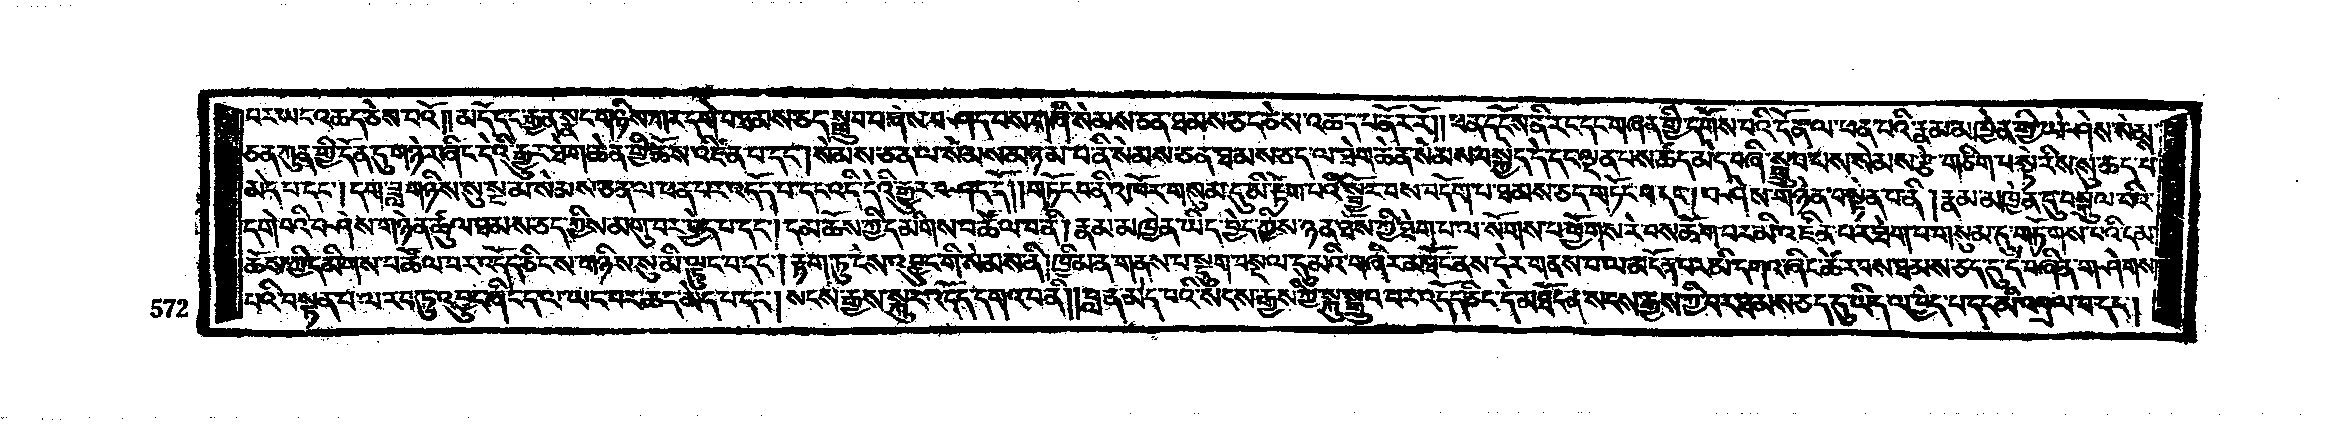པར་ཡང་འཆད་ཅེས་པའོ། །མདོ་དང་རྒྱན་སྣང་གཉིས་ཀར་དགེ་བ་ཐམས་ཅད་སྒྲུབ་པ་ཞེས་བཤད་པས་གཞི་སེམས་ཅན་ཐམས་ཅད་ཅེས་འཆད་པ་ནོར་རོ། །ཕན་དངོས་ནི་རང་དང་གཞན་གྱི་དགོས་པའི་དོན་ལ་ཕན་པའི་རྣམ་མཁྱེན་གྱི་ཡེ་ཤེས་སེམས་
ཅན་ཀུན་གྱི་དོན་དུ་གཉེར་ཞིང་དེའི་རྒྱུར་ཐེག་ཆེན་གྱི་ཆོས་འཛིན་པ་དང་། སེམས་ཅན་ལ་སེམས་མཉམ་པ་ནི་སེམས་ཅན་ཐམས་ཅད་ལ་ཐེག་ཆེན་སེམས་བསྐྱེད་དེ་དང་ལྡན་པས་ཚད་མེད་བཞི་སྒྲུབ་པས་སེམས་རྩེ་གཅིག་པ་སྟེ་རིས་སུ་ཆད་པ་
མེད་པ་དང་། དག་ཟླ་གཉིས་སུ་སྔ་མ་སེམས་ཅན་ལ་ཕན་པར་འདོད་པ་དང་འདི་དེའི་རྒྱུར་བཤད་དོ། །གཏོང་བ་ནི་འཁོར་གསུམ་དུ་མི་རྟོག་པའི་སྦྱོར་བས་བདོག་པ་ཐམས་ཅད་གཏོང་བ་དང་། བཤེས་གཉེན་བསྟེན་པ་ནི། རྣམ་མཁྱེན་དུ་བསྐུལ་བའི་
དགེ་བའི་བཤེས་གཉེན་ཚུལ་ཐམས་ཅད་ཀྱིས་མགུ་བར་བྱེད་པ་དང་། དམ་ཆོས་ཀྱི་དམིགས་པ་ཚོལ་བ་ནི། རྣམ་མཁྱེན་ཡིད་བྱེད་ཀྱིས་ཉན་ཐོས་ཀྱི་ཐེག་པ་ལ་སོགས་པ་ཕྱོགས་རེ་བས་ཆོག་པར་མི་འཛིན་པར་ཐེག་པ་གསུམ་དུ་གཏོགས་པའི་དམ་
ཆོས་ཀྱི་དམིགས་པ་ཚོལ་བར་འདོད་ཅིང་ས་གཉིས་སུ་མི་ལྟུང་བ་དང་། རྟག་ཏུ་ངེས་འབྱུང་གི་སེམས་ནི། ཁྱིམ་ན་གནས་པ་སྡུག་བསྔལ་དུ་མའི་གཞིར་མཐོང་ནས་དེར་གནས་པ་ལ་མངོན་པར་མི་དགའ་ཞིང་ཚེ་རབས་ཐམས་ཅད་དུ་དེ་བཞིན་གཤེགས་
པའི་བསྟན་པ་ལ་རབ་ཏུ་འབྱུང་ཞིང་དེ་ལ་ཡང་བར་ཆད་མེད་པ་དང་། སངས་རྒྱས་སྐུར་འདོད་དགའ་བ་ནི། །བླ་ན་མེད་པའི་སངས་རྒྱས་ཀྱི་སྐུ་སྒྲུབ་པར་འདོད་ཅིང་དེ་མཐོང་ན་སངས་རྒྱས་ཀྱི་བར་ཐམས་ཅད་དུ་ཡིད་ལ་བྱེད་པ་དང་མི་འབྲལ་བ་དང་།